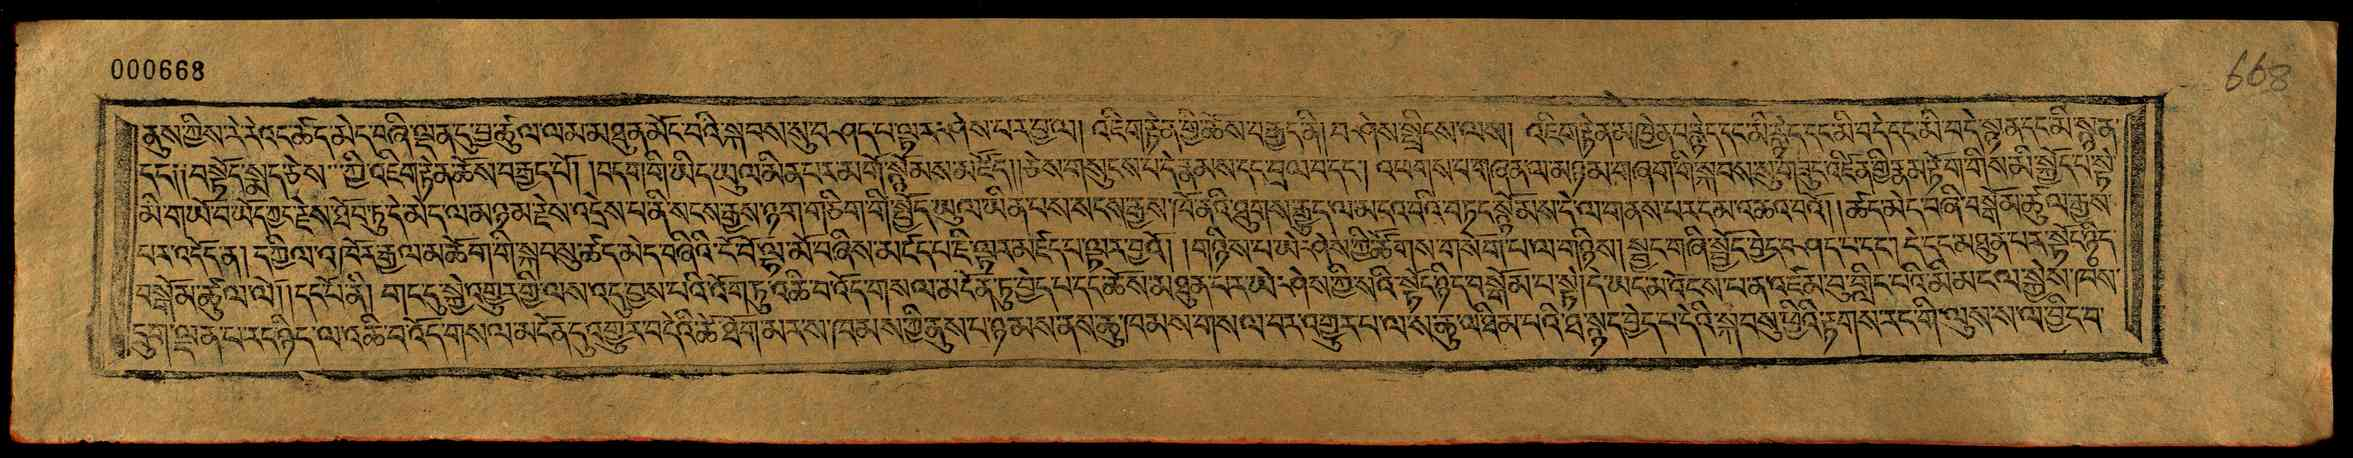ནུས་ཀྱིས་རེ་རེའང་ཚད་མེད་བཞི་ལྡན་དུ་བྱ་ཚུལ་ལམ་མཐུན་མོང་བའི་སྐབས་སུ་བཤད་པ་ལྟར་ཤེས་པར་བྱ་ལ། འཇིག་རྟེན་གྱི་ཆོས་བརྒྱད་ནི། བཤེས་སྤྲིངས་ལས། འཇིག་རྟེན་མཁྱེན་པ་རྙེད་དང་མི་རྙེད་དང་། །བདེ་དང་མི་བདེ་སྙན་དང་མི་སྙན་
དང༑ ༑བསྟོད་སྨད་ཅེས་ཀྱི་འཇིག་རྟེན་ཆོས་བརྒྱད་པོ། །བདག་གི་ཡིད་ཡུལ་མིན་པར་མགོ་སྙོམས་མཛོད། །ཅེས་གསུངས་པ་དེ་རྣམས་དང་བྲལ་བ་དང་། འཕགས་པ་གཞན་ལ་མཉམ་གཞག་གི་སྐབས་སུ་གཟུང་འཛིན་གྱི་རྣམ་རྟོག་གིས་མི་སྐྱོད་པ་སྟེ་
མི་གཡོ་བ་ཡོད་ཀྱང་རྗེས་ཐོབ་ཏུ་དེ་མེད་ལ་མཉམ་རྗེས་འདྲེས་པ་ནི་སངས་རྒྱས་ཉག་གཅིག་གི་སྤྱོད་ཡུལ་ཡིན་པས་སངས་རྒྱས་ཁོ་ནའི་ཐུགས་རྒྱུད་ལ་མངའ་བའི་བཏང་སྙོམས་དེ་ལ་གནས་པར་དམ་འཆའ་བའོ། །ཚད་མེད་བཞི་བསྒོམ་ཚུལ་རྒྱས་
པར་འདོད་ན། དཀྱིལ་འཁོར་རྒྱལ་མཆོག་གི་སྐབས་སུ་ཚད་མེད་བཞིའི་ངོ་བོ་ལྷ་མོ་བཞིས་མཛད་པ་ཇི་ལྟར་མཛད་པ་ལྟར་བྱའོ། །གཉིས་པ་ཡེ་ཤེས་ཀྱི་ཚོགས་གསོག་པ་ལ་གཉིས། སྦྱང་གཞི་སྦྱོང་བྱེད་བཤད་པ་དང་། དེ་དང་མཐུན་པར་སྟོང་ཉིད་
བསྒོམ་ཚུལ་ལོ། །དང་པོ་ནི། གང་དུ་སྐྱེ་འགྱུར་གྱི་ལས་འདུ་བྱས་པའི་འོག་ཏུ་འཆི་བ་འོད་གསལ་མངོན་ཏུ་བྱེད་པ་དང་ཆོས་མཐུན་པར་ཡེ་ཤེས་ཀྱི་སའི་སྟོང་ཉིད་བསྒོམ་པ་སྟེ། དེ་ཡང་མ་འོངས་པ་ན་འཛམ་བུ་གླིང་པའི་མི་མངལ་སྐྱེས་ཁམས་
དྲུག་ལྡན་པ་རང་ཉིད་ལ་འཆི་བ་འོད་གསལ་མངོན་དུ་འགྱུར་བ་དེའི་ཚེ་ཐོག་མར་ས་ཁམས་ཀྱི་ནུས་པ་ཉམས་ནས་ཆུ་ཁམས་གསལ་བར་གྱུར་པ་ལ་ས་ཆུ་ལ་ཐིམ་པའི་ཐ་སྙད་བྱེད་པ་དེའི་སྐབས་སུ་ཕྱིའི་རྟགས་རང་གི་ལུས་ས་ལ་བྱིང་བ་